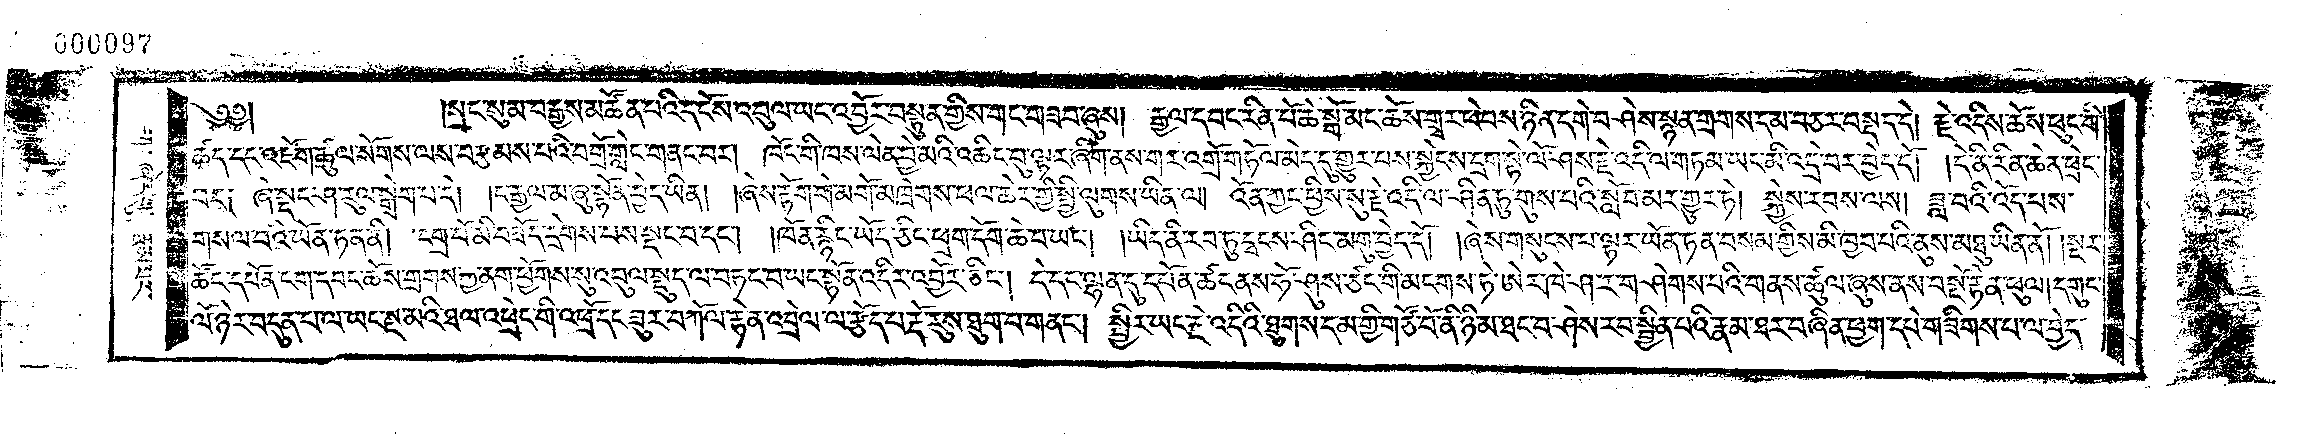༄༅། །སྲང་སུམ་བརྒྱས་མཚོན་པའི་དངོས་འབུལ་ཡང་འབྱོར་བསྟུན་གྱིས་གང་གཟབ་ཞུས། རྒྱལ་དབང་རིན་པོ་ཆེ་སྒོ་མང་ཆོས་གྲྭར་ཕེབས་ཉིན་དགེ་བཤེས་སྙན་གྲགས་དམ་བཅར་བསྡད་དེ། རྗེ་འདིས་ཆོས་ཕུང་གི་
ཚད་དང་འཇོག་ཚུལ་སོགས་ལས་བརྩམས་པའི་བགྲོ་གླེང་གནང་བར། ཁོང་གི་ཁས་ལེན་བྱེ་མའི་འཆིང་བུ་ལྟར་ཞིག་ནས་གར་འགྲོ་གཏོལ་མེད་དུ་གྱུར་པས་སྐྱེངས་དྲག་སྟེ་ལོ་ཤས་རྗེ་འདི་ལ་གཏམ་ཡང་མི་འདྲེ་བར་བྱེད་དོ། །དེ་ནི་རིན་ཆེན་ཕྲེང་
བར༑ ཞེ་སྡང་ཤ་རུལ་སྒྲེག་པ་དེ། །ང་རྒྱལ་མ་ཞུ་སྟོན་བྱེད་ཡིན། །ཞེས་རྟོག་གེ་མགོ་མཁྲེགས་ཕལ་ཆེར་གྱི་སྤྱི་ལུགས་ཡིན་ལ། འོན་ཀྱང་ཕྱིས་སུ་རྗེ་འདི་ལ་ཤིན་ཏུ་གུས་པའི་སློབ་མར་གྱུར་ཏེ། སྐྱེས་རབས་ལས། ཟླ་བའི་འོད་པས་
གསལ་བའི་ཡོན་ཏན་ནི། དགྲ་པོ་མི་བཟོད་དྲེགས་པས་སྡང་བ་དང་། །ཁོ་ན་རྙིང་ཡོད་ཅིང་ཕྲག་དོག་ཆེ་བ་ཡང་། །ཡིད་ནི་རབ་ཏུ་དྭངས་ཤིང་མགུ་བྱེད་དོ། །ཞེས་གསུངས་པ་ལྟར་ཡོན་ཏན་བསམ་གྱིས་མི་ཁྱབ་པའི་ནུས་མཐུ་ཡིན་ནོ། །སྔར་
ཚོང་དཔོན་ངག་དབང་ཆོས་གྲགས་རྒྱ་ནག་ཕྱོགས་སུ་འབུལ་སྡུད་ལ་བཏང་བ་ཡང་སྟོན་འདིར་འབྱོར་ཅིང་། དེ་དང་ལྷན་དུ་དཔོན་ཚང་ནས་ཧོ་ཤུས་ཙང་གི་མངགས་ཏེ་ཨེར་ཁེ་ཤར་གཤེགས་པའི་གནས་ཚུལ་ཞུས་ནས་བསྔོ་རྟེན་ཕུལ། དགུང་
ལོ་ཉེར་བདུན་པ་ལ་ཡང་སྔ་མའི་ཐལ་འཕྲེང་གི་འཕྲོ་དང་ཟུར་བཀོལ་རྟེན་འབྲེལ་ལ་རྩོད་པ་རྡོ་རུས་ཐུག་པ་གནང་། སྤྱིར་ཡང་རྗེ་འདིའི་ཐུགས་དམ་གྱི་གཙོ་བོ་ནི་ཉི་མ་ཐང་བ་ཤེས་རབ་སྦྱིན་པའི་རྣམ་ཐར་བཞིན་ཕྱག་དཔེ་གཟིགས་པ་ལ་བྱེད་